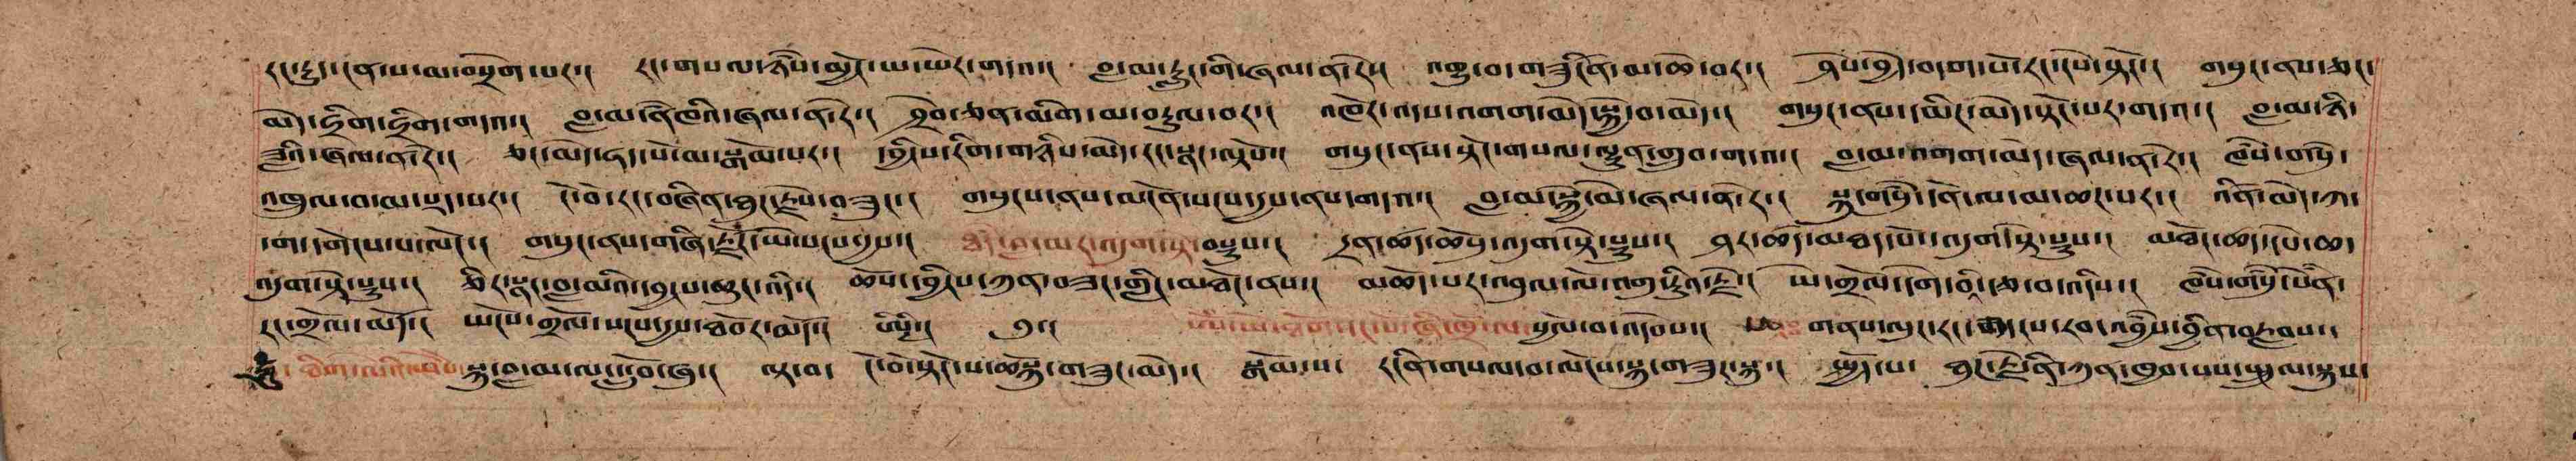རང་རྒྱུད་ངན་པ་མ་བསྲེག་པར།། རང་གསལ་ཉམས་མྱོང་ཡ་ཡེར་གདའ།། བླ་མ་རླུང་གི་ཞལ་ན་རེ།། འགྱུ་བ་གཟུང་འཛིན་མ་ཆེ་བར།། ཤེས་བྱེད་བདག་པོ་རང་ངོས་སྟོང་།། གསུང་ནས་ཅང་
མེད་ཧྲིག་ཧྲིག་གདའ།། བླ་མ་ནམ་མཁའི་ཞལ་ན་རེ།། ཤེས་རབ་ཅན་མིག་མ་བཏུལ་བར།། འཁོར་འདས་འགག་མེད་སྐྱོ་བ་མེད།། གསུང་ནས་དམིགས་མེད་སྟོང་པར་གདའ།། བླ་མ་ཉི་
ཟླའི་ཞལ་ན་རེ།། ཅང་མེད་ཧད་པོ་མ་སྒོམ་པར།། དབྱིངས་རིག་གཉིས་མེད་རང་སྣང་ལྟོས།། གསུང་ནས་སྟོང་གསལ་ལྷུན་གྲུབ་གདའ།། བླ་མ་འགག་མེད་ཞལ་ན་རེ།། ཁམས་གསུམ་
འཁྲུལ་པ་མ་བསྡད་པར།། ངོ་བོ་རང་བཞིན་ཐུགས་རྗེས་བཟུང་།། གསུངས་ནས་མངོན་སངས་རྒྱས་ནས་གདའ།། བླ་མ་སྐྱོ་མེ་ཞལ་ན་རེ།། སྐུ་གསུམ་དོན་ལ་མ་ཆགས་པར།། འཛིན་མེད་ཀ་
དག་དགོངས་པ་ལོང་།། གསུང་ནས་གཞི་རྫོགས་ཡེ་སངས་རྒྱས།། ཐམས་ཅད་བླ་མར་འདུག་སྟེ་བསྡུས།། དྲན་ཚད་ཆོས་སུ་འདུག་སྟེ་བསྡུས།། མཐོང་ཚད་དཔེ་ཆ་
འདུག་སྟེ་བསྡུས།། ཅིར་སྣང་བླ་མའི་དབྱངས་ཆུང་འདི།། ཆོས་དབྱིངས་ཀུན་བཟང་གླིང་མཐོང་ནས།། མཆོད་པར་འབུལ་ལོ་འགུ་རུའི་རྗེ།། ཡེ་གྲོལ་དགེ་བའི་རྩ་བ་འདིས།། ཁམས་གསུམ་སེམས་ཅན་
རང་གྲོལ་མཛོད།། ཡོངས་གྲོལ་སངས་རྒྱས་ཐོབ་པར་མཛོད།། ཨིཊི།། ༄་། ཨོཾ་ཡེ་ཐོག་དང་པོ་ཞི་ཁྲོ་ལ་གསོལ་བ་འདེབས།། ཨཱཿགནས་ལུགས་རང་གདངས་རབ་འབྱམས་བྱིན་རླབས། 
ཧཱུཾ། ཐིག་ལེའི་ཡེ་ཤེས་སྐུ་བླ་མ་ལ་དངོས་གྲུབ་ཞུ།། ལྟ་བ་ངོ་བོ་སྟོང་པ་ཆོས་སྐུ་གཟུང་མེད། སྒོམ་པ་རང་བཞིན་གསལ་བ་ལོངས་སྐུ་གཟུགས་སྐུ། སྤྱོད་པ་ཐུགས་རྗེ་ནི་ཀུན་ཁྱབ་པས་སྤྲུལ་སྐུས་